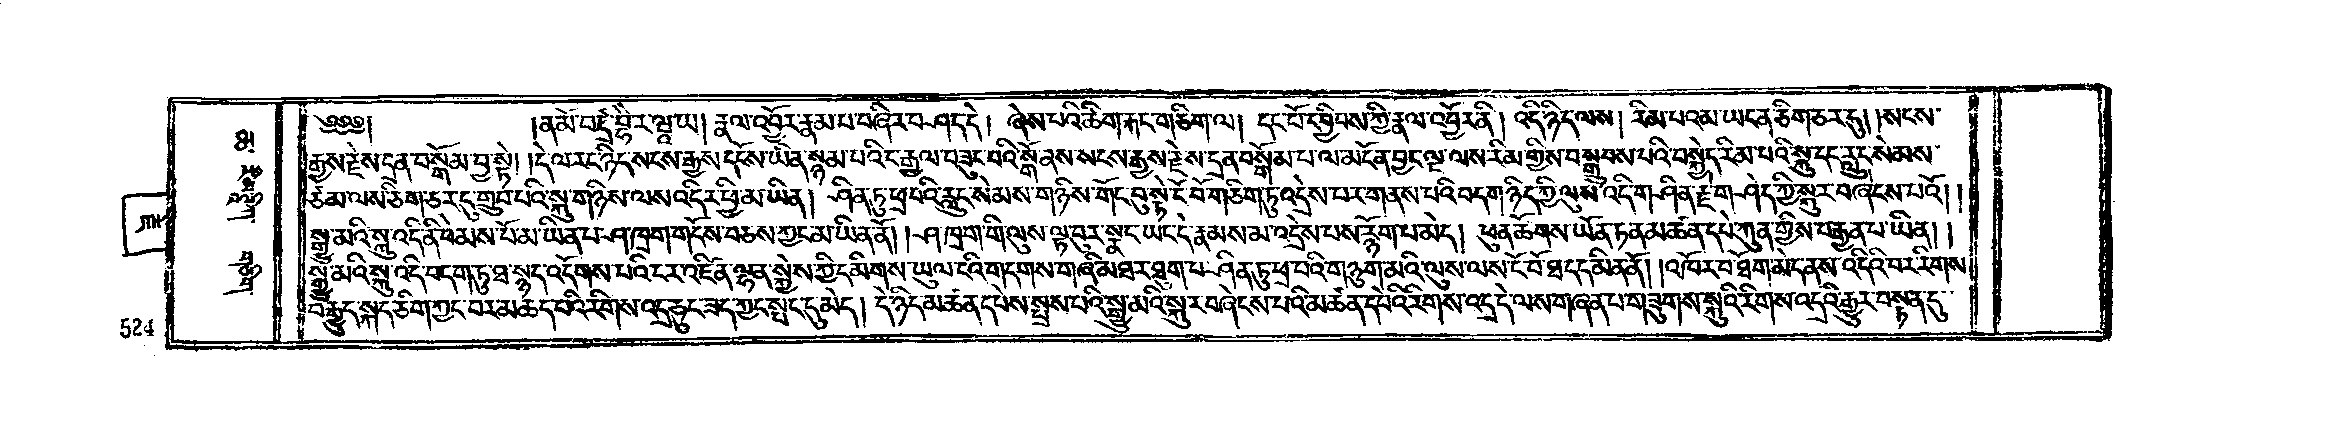༄༅༅། །ན་མོ་བཛྲ་བྷཻ་ར་ཝཱ་ཡ། རྣལ་འབྱོར་རྣམ་པ་བཞིར་བཤད་དེ། ཞེས་པའི་ཚིག་རྐང་གཅིག་ལ། དང་པོ་དབྱིབས་ཀྱི་རྣལ་འབྱོར་ནི། འདི་ཉིད་ལས། རིམ་པའམ་ཡང་ན་ཅིག་ཅར་དུ། །སངས་
རྒྱས་རྗེས་དྲན་བསྒོམ་བྱ་སྟེ། །དེ་ལ་རང་ཉིད་སངས་རྒྱས་དངོས་ཡིན་སྙམ་པའི་ང་རྒྱལ་བཟུང་བའི་སྒོ་ནས་སངས་རྒྱས་རྗེས་དྲན་བསྒོམ་པ་ལ་མངོན་བྱང་ལྔ་ལས་རིམ་གྱིས་བསྒྲུབས་པའི་བསྐྱེད་རིམ་པའི་སྐུ་དང་རླུང་སེམས་
ཙམ་ལས་ཅིག་ཅར་དུ་གྲུབ་པའི་སྐུ་གཉིས་ལས་འདིར་ཕྱི་མ་ཡིན། ཤིན་ཏུ་ཕྲ་བའི་རླུང་སེམས་གཉིས་གོང་བུ་སྟེ་ངོ་བོ་གཅིག་ཏུ་འདྲེས་པར་གནས་པའི་བདག་ཉིད་ཀྱི་ལུས་འདི་གཤིན་རྗེ་གཤེད་ཀྱི་སྐུར་བཞེངས་པའོ། །
སྒྱུ་མའི་སྐུ་འདི་ནི་བེམས་པོ་མ་ཡིན་པ་ཤ་ཁྲག་གདོས་བཅས་ཀྱང་མ་ཡིན་ནོ། །ཤ་ཁྲག་གི་ལུས་ལྟ་བུར་སྣང་ཡང་དེ་རྣམས་མ་འདྲེས་པས་རྙོག་པ་མེད། ཕུན་ཚོགས་ཡོན་ཏན་མཚན་དཔེ་ཀུན་གྱིས་བརྒྱན་པ་ཡིན། །
སྒྱུ་མའི་སྐུ་འདི་བདག་ཏུ་ཐ་སྙད་འདོགས་པའི་ངར་འཛིན་ལྷན་སྐྱེས་ཀྱི་དམིགས་ཡུལ་ངའི་གདགས་གཞི་མཐར་ཐུག་པ་ཤིན་ཏུ་ཕྲ་བའི་གཉུག་མའི་ལུས་ལས་ངོ་བོ་ཐ་དད་མིན་ནོ། །འཁོར་བ་ཐོག་མེད་ནས་འདིའི་བར་རིགས་
བརྒྱུད་སྐད་ཅིག་ཀྱང་བར་མ་ཆད་པའི་རིགས་འདྲ་ཅུང་ཟད་ཀྱང་སྤང་དུ་མེད། དེ་ཉིད་མཚན་དཔེས་སྤྲས་པའི་སྒྱུ་མའི་སྐུར་བཞེངས་པའི་མཚན་དཔེའི་རིགས་འདྲ་དེ་ལས་གཞན་པ་གཟུགས་སྐུའི་རིགས་འདྲའི་རྒྱུར་བསྟན་དུ་